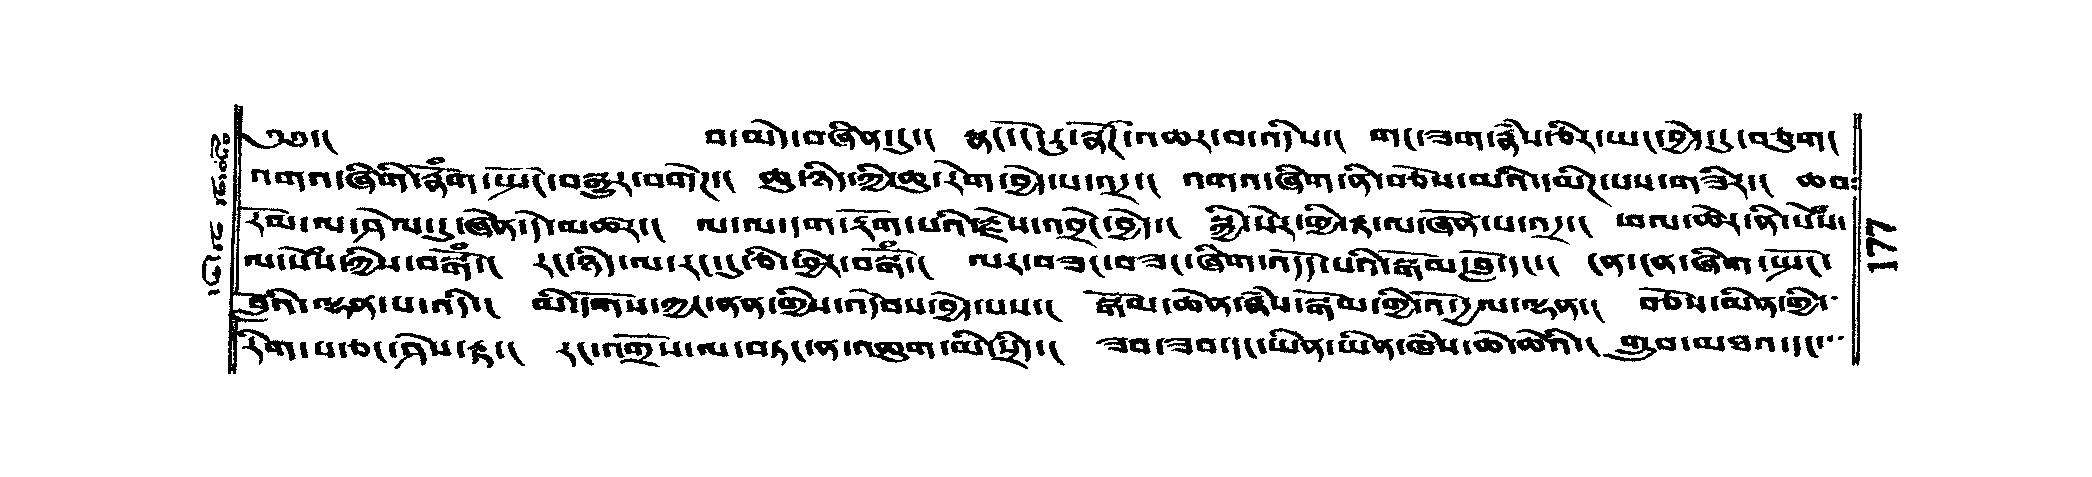བ་མེད་བཞིན་དུ། །སྣང་ངོ་རུ་སྣ་ཚོགས་འཆར་བ་འདིས། །གང་ཟག་རྣམས་ཅིར་ཡང་བྱེད་དུ་བཅུག །
འགའ་ཞིག་གི་རྣམ་རྟོག་སྤོང་བསྒྱུར་བགེགས། །ཆུ་ཉིད་ཀྱི་ཆུ་རག་བྱེད་པ་འདྲ། །འགའ་ཞིག་ནི་བཅོས་མའི་དམིགས་པས་གཟིར། །ཆབ་
རོམ་ལ་ཤེལ་དུ་ཞེན་དེ་མཚར། །ལ་ལ་དག་རྟོག་པའི་རྗེས་འབྲང་བྱེད། །སྐྱི་སེར་གྱི་རྟ་ལ་ཞོན་པ་འདྲ། །ཕལ་ཆེར་ནི་སེམས་
ལ་སེམས་ཀྱིས་བསྒོམ། །རང་ཉིད་ལ་རང་དུ་ཅི་ཕྱིར་བསྒོམ། །ལར་བཟང་བཟང་ཞིག་འདོད་པའི་སྒོམ་བློ་དང་། །ངན་ངན་ཞིག་སྤོང་
བློའི་ལྷན་པ་འདི། །མི་དགོས་ཀྱང་ནན་གྱིས་འདེབས་བྱེད་པས། །སྒོམ་ཆེན་རྣམས་སྒོམ་གྱི་འོ་རྒྱལ་ལྡན། །བཅོས་མིན་གྱི་
རིག་པ་ཅང་ཤེས་རྟ། །རང་འགྲོས་ལ་བཏང་ན་འཆུག་མི་སྲིད། །ཟབ་ཟབ་དང་ཡིན་ཡིན་ཁམས་ཆེ་ཆེའི། །གྲུབ་མཐའ་དང་